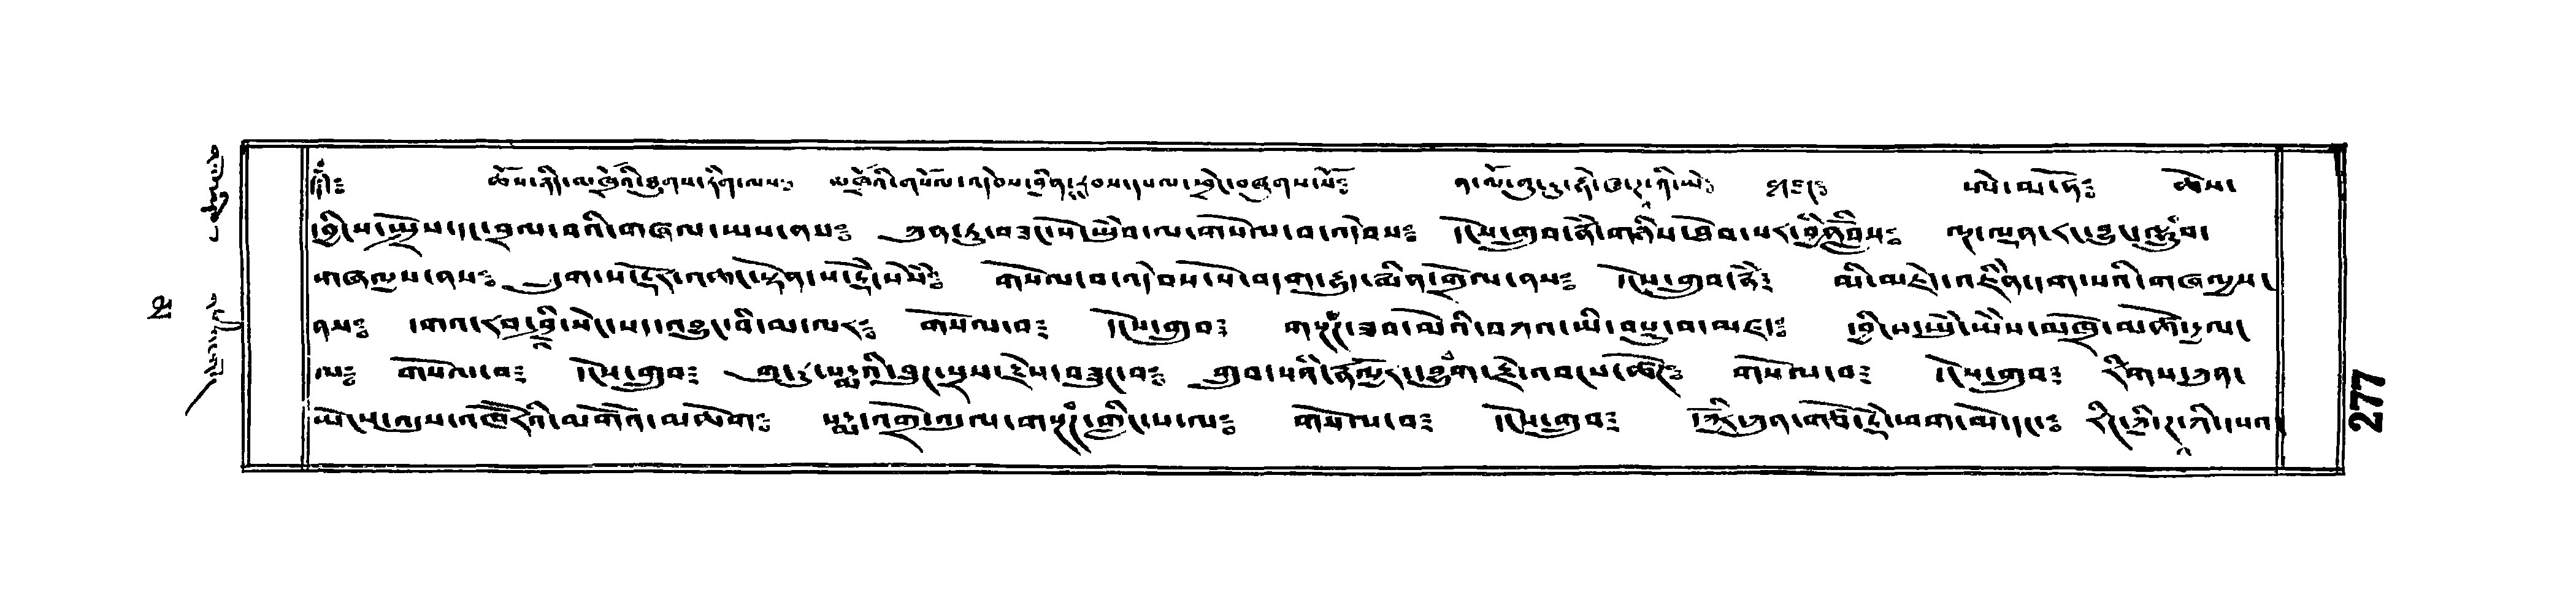ཆོས་ཉིད་མཁའ་འགྲོའི་ཐུགས་ཏིག་ལས༔ མཁའ་འགྲོའི་གསོལ་འདེབས་བྱིན་རླབས་དཔལ་ཕྲེང་བཞུགས་སོ༔ ན་མོ་གུ་རུ་དྷེ་ཝ་ཌཱ་ཀི་ཡེ༔ ཨེ་མ་ཧོཿ ཆོས་
དབྱིངས་སྤྲོས་དང་བྲལ་བའི་གཞལ་ཡས་ནས༔ ཀུན་ཏུ་བཟང་པོ་ཡབ་ཡུམ་ལ་གསོལ་བ་འདེབས༔ དངོས་གྲུབ་རྣམ་གཉིས་ཐོབ་པར་བྱིན་གྱིས་རློབས༔ ལྔ་ལྡན་རང་བྱུང་ལྷུན་གྲུབ་
གཞལ་ཡས་ནས༔ དྲུག་པ་རྡོར་འཆང་སྟོན་པ་རྡོ་རྗེ་སེམས༔ གསོལ་བ་འདེབས་སོ་བདག་རྒྱུད་སྨིན་གྲོལ་ནས༔ དངོས་གྲུབ༴ མི་མཇེད་འཇིག་རྟེན་དག་པའི་གཞལ་ཡས་
ནས༔ དགའ་རབ་ཤྲཱི་སེང་པད་འབྱུང་བི་མ་ལར༔ གསོལ་བ༴ དངོས་གྲུབ༴ གསང་སྔགས་ཟབ་མོའི་བཀའ་ཡི་བསྡུ་བ་མཛད༔ དབྱིངས་ཡུམ་ཡེ་ཤེས་མཁའ་འགྲོ་མཚོ་རྒྱལ་
ལ༔ གསོལ་བ༴ དངོས་གྲུབ༴ གུ་རུ་པདྨའི་ཐུགས་སྲས་རྗེས་བཟུང་བ༔ གྲུབ་པའི་རྣལ་འབྱོར་དབང་ཕྱུག་རྗེ་འབངས་ཚོགས༔ གསོལ་བ༴ དངོས་གྲུབ༴ རིགས་ཀུན་
ཡོངས་འདུས་འཁོར་ལོའི་མགོན་པོ་མཆོག༔ པདྨ་འགྲོ་འདུལ་གསང་སྔགས་གླིང་པ་ལ༔ གསོལ་བ༴ དངོས་གྲུབ༴ དཀྱིལ་འཁོར་ཀུན་གཙོ་རྡོ་རྗེ་ཕག་མོ་དང༔ རིགས་ཀྱི་ཌཱ་ཀི་དཔའ་